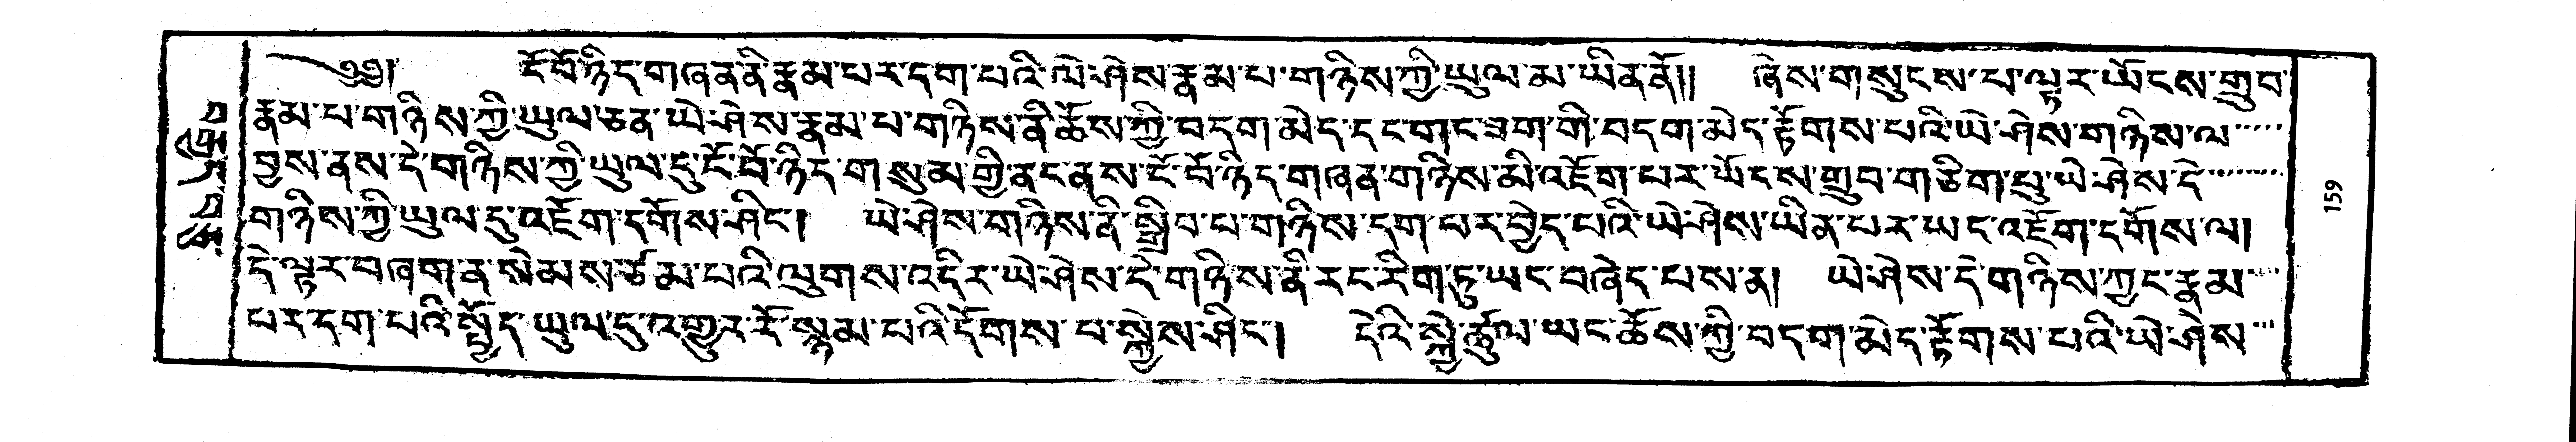༄༅། །ངོ་བོ་ཉིད་གཞན་ནི་རྣམ་པར་དག་པའི་ལེ་ཤེས་རྣམ་པ་གཉིས་ཀྱི་ཡུལ་མ་ཡིན་ནོ། །ཞེས་གསུངས་པ་ལྟར་ཡོངས་གྲུབ་
རྣམ་པ་གཉིས་ཀྱི་ཡུལ་ཅན་ཡེ་ཤེས་རྣམ་པ་གཉིས་ནི་ཆོས་ཀྱི་བདག་མེད་དང་གང་ཟག་གི་བདག་མེད་རྟོགས་པའི་ཡེ་ཤེས་གཉིས་ལ་བྱས་
ནས་དེ་གཉིས་ཀྱི་ཡུལ་དུ་ངོ་བོ་ཉིད་གསུམ་གྱི་ནང་ནས་ངོ་བོ་ཉིད་གཞན་གཉིས་མི་འཇོག་པར་ཡོངས་གྲུབ་གཅིག་པུ་ཡེ་ཤེས་དེ་
གཉིས་ཀྱི་ཡུལ་དུ་འཇོག་དགོས་ཤིང་། ཡེ་ཤེས་གཉིས་ནི་སྒྲིབ་པ་གཉིས་དག་པར་བྱེད་པའི་ཡེ་ཤེས་ཡིན་པར་ཡང་འཇོག་དགོས་ལ།
དེ་ལྟར་བཞག་ན་སེམས་ཙམ་པའི་ལུགས་འདིར་ཡེ་ཤེས་དེ་གཉིས་ནི་རང་རིག་ཏུ་ཡང་བཞེད་པས་ན། ཡེ་ཤེས་དེ་གཉིས་ཀྱང་རྣམ་
པར་དག་པའི་སྤྱོད་ཡུལ་དུ་འགྱུར་རོ་སྙམ་པའི་དོགས་པ་སྐྱེས་ཤིང་། དེའི་སྐྱེ་ཚུལ་ཡང་ཆོས་ཀྱི་བདག་མེད་རྟོགས་པའི་ཡེ་ཤེས་